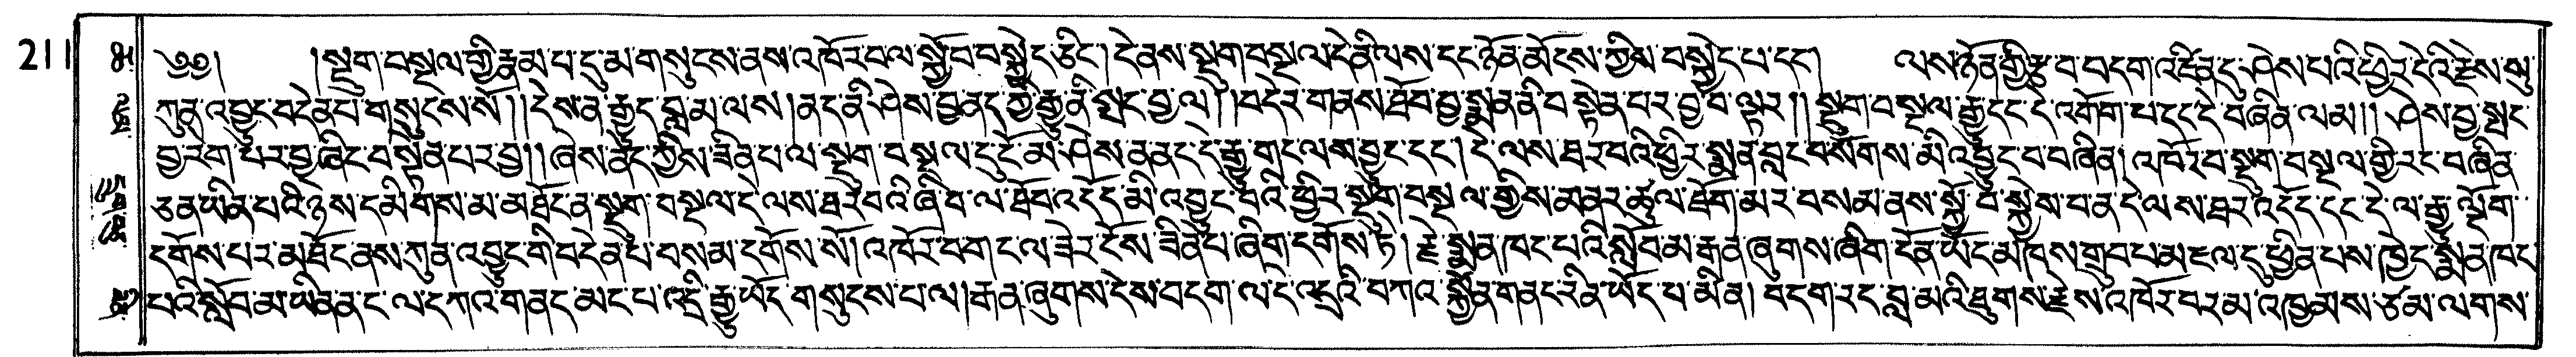༄༅། །སྡུག་བསྔལ་གྱི་རྣམ་པ་དུ་མ་གསུངས་ནས་འཁོར་བ་ལ་སྐྱོབ་བསྐྱེད་ཅིང་། དེ་ནས་སྡུག་བསྔལ་དེ་ནི་ལས་དང་ཉོན་མོངས་ཀྱིས་བསྐྱེད་པ་དང་། ལས་ཉོན་གྱི་རྩ་བ་བདག་འཛིན་དུ་ཤེས་པའི་ཕྱིར་དེའི་རྗེས་སུ་
ཀུན་འབྱུང་བདེན་པ་གསུངས་སོ། །དེས་ན་རྒྱུད་བླ་མ་ལས། ནད་ནི་ཤེས་བྱ་ནད་ཀྱི་རྒྱུ་ནི་སྤང་བྱ་ལ། །བདེར་གནས་ཐོབ་བྱ་སྨན་ནི་བསྟེན་པར་བྱ་བ་ལྟར། །སྡུག་བསྔལ་རྒྱུ་དང་དེ་འགོག་པ་དང་དེ་བཞིན་ལམ། །ཤེས་བྱ་སྤང་
བྱ་རེག་པར་བྱ་ཞིང་བསྟེན་པར་བྱ། །ཞེས་ནད་ཀྱིས་ཟིན་པ་ལ་སྡུག་བསྔལ་དུ་ངོ་མ་ཤེས་ན་ནད་དེ་རྒྱུ་གང་ལས་བྱུང་དང་། དེ་ལས་ཐར་བའི་ཕྱིར་སྨན་བླང་བ་སོགས་མི་འབྱུང་བ་བཞིན། འཁོར་བ་སྡུག་བསྔལ་གྱི་རང་བཞིན་
ཅན་ཡིན་པའི་ཉེས་དམིགས་མ་མཐོང་ན་སྡུག་བསྔལ་དེ་ལས་ཐར་བའི་ཞི་བ་ལ་ཐོབ་འདོད་མི་འབྱུང་བའི་ཕྱིར་སྡུག་བསྔལ་གྱིས་མནར་ཚུལ་ཐོག་མར་བསམ་ནས་སྐྱོ་བ་སྐྱེས་པ་ན་དེ་ལས་ཐར་འདོད་དང་དེ་ལ་རྒྱུ་ལྡོག་
དགོས་པར་མཐོང་ནས་ཀུན་འབྱུང་གི་བདེན་པ་བསམ་དགོས་སོ། འཁོར་བ་གང་ལ་ཟེར་ངོས་ཟིན་པ་ཞིག་དགོས་ཏེ། རྗེ་སྨན་ཁང་པའི་སློབ་མ་རྒན་ཞུགས་ཞིག་དོན་ཡོད་མཁས་གྲུབ་པ་མཇལ་དུ་ཕྱིན་པས་ཁྱེད་སྨན་ཁང་
པའི་སློབ་མ་ཡིན་ན་ང་ལ་དཀའ་གནད་མང་པ་འདྲི་རྒྱུ་ཡོད་གསུངས་པ་ལ། རྒན་ཞུགས་དེས་བདག་ལ་དེ་འདྲའི་བཀའ་སྐྱོན་གནང་རིན་ཡོད་པ་མིན། བདག་རང་བླ་མའི་ཐུགས་རྗེས་འཁོར་བར་མ་འཁྱམས་ཙམ་ལགས་